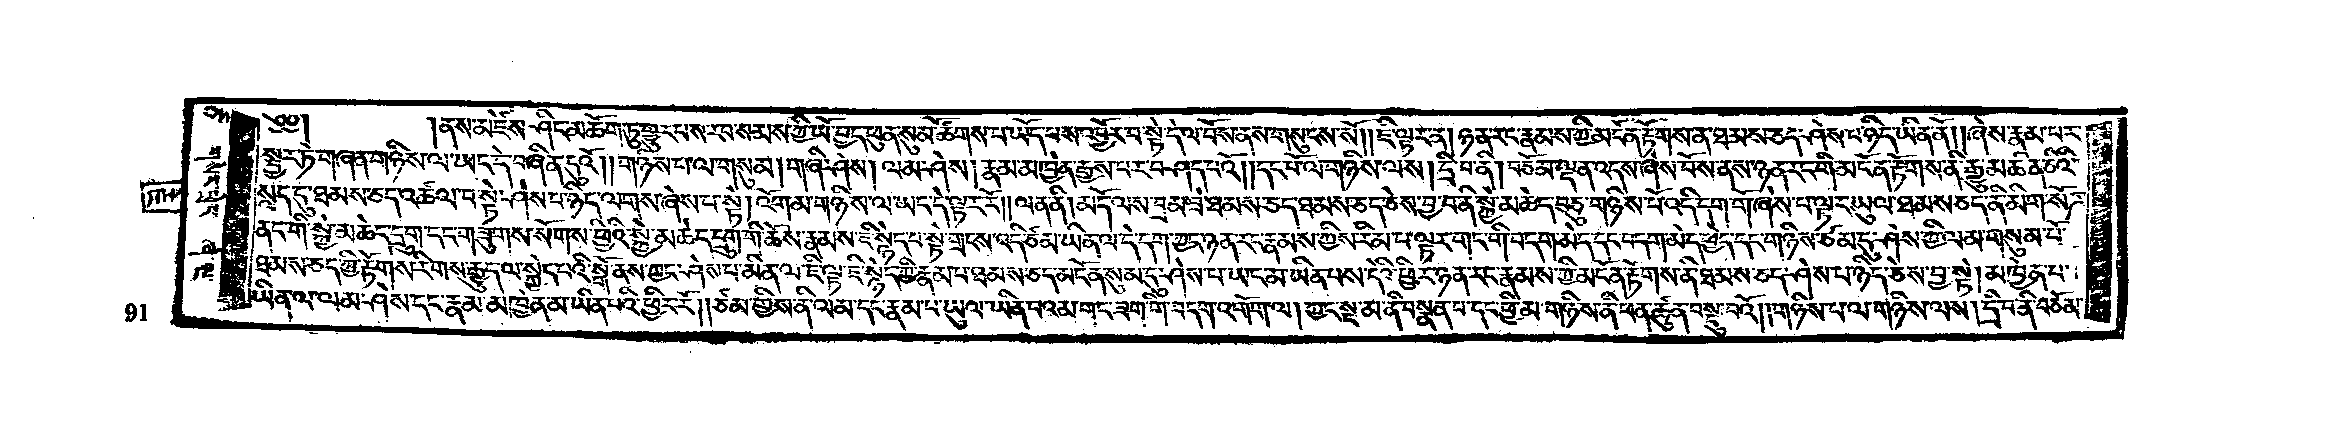༄༅། །ནས་མཛེས་ཤིང་མཆོག་ཏུ་གྱུར་པས་རབ་སེམས་ཀྱི་ཡོ་བྱད་ཕུན་སུམ་ཚོགས་པ་ཡོད་པས་འབྱོར་བ་སྟེ་དེ་ལ་བོས་ནས་གསུངས་སོ། །ཇི་ལྟར་ན། ཉན་རང་རྣམས་ཀྱི་མངོན་རྟོགས་ན་ཐམས་ཅད་ཤེས་པ་ཉིད་ཡིན་ནོ། །ཞེས་རྣམ་པར་
སྦྱར་ཏེ་གཞན་གཉིས་ལ་ཡང་དེ་བཞིན་དུའོ། །གཉིས་པ་ལ་གསུམ། གཞི་ཤེས། ལམ་ཤེས། རྣམ་མཁྱེན་རྒྱས་པར་བཤད་པའོ། །དང་པོ་ལ་གཉིས་ལས། དྲི་བ་ནི། བཅོམ་ལྡན་འདས་ཞེས་བོས་ནས་ཉན་རང་གི་མངོན་རྟོགས་ནི་རྒྱུ་མཚན་ཅིའི་
སླད་དུ་ཐམས་ཅད་འཚལ་བ་སྟེ་ཤེས་པ་ཉིད་ལགས་ཞེས་པ་སྟེ། འོག་མ་གཉིས་ལ་ཡང་དེ་ལྟར་རོ། །ལན་ནི། མདོ་ལས་བྲམ་ཟེ་ཐམས་ཅད་ཐམས་ཅད་ཅེས་བྱ་བ་ནི་སྐྱེ་མཆེད་བཅུ་གཉིས་པོ་འདི་དག་གོ་ཞེས་པ་ལྟར་ཡུལ་ཐམས་ཅད་ནི་མིག་སོགས་
ནང་གི་སྐྱེ་མཆེད་དྲུག་དང་གཟུགས་སོགས་ཕྱིའི་སྐྱེ་མཆེད་དྲུག་གི་ཆོས་རྣམས་ཇི་སྙེད་པ་སྟེ་གྲངས་འདི་ཙམ་ཡིན་ལ་དེ་དག་ཀྱང་ཉན་རང་རྣམས་ཀྱིས་རིམ་པ་ལྟར་གང་གི་བདག་མེད་དང་བདག་མེད་ཕྱེད་དང་གཉིས་ཙམ་དུ་ཤེས་ཀྱི་ལམ་གསུམ་པོ་
ཐམས་ཅད་ཀྱི་རྟོགས་རིགས་རྒྱུད་ལ་སྐྱེད་པའི་སྒོ་ནས་ཀྱང་ཤེས་པ་མིན་ལ་ཇི་ལྟ་ཇི་སྙེད་ཀྱི་རྣམ་པ་ཐམས་ཅད་མངོན་སུམ་དུ་ཤེས་པ་ཡང་མ་ཡིན་པས་དེའི་ཕྱིར་ཉན་རང་རྣམས་ཀྱི་མངོན་རྟོགས་ནི་ཐམས་ཅད་ཤེས་པ་ཉིད་ཅེས་བྱ་སྟེ། མཁྱེན་པ་
ཡིན་ལ་ལམ་ཤེས་དང་རྣམ་མཁྱེན་མ་ཡིན་པའི་ཕྱིར་རོ། །ཙམ་གྱིས་ནི་ལམ་དང་རྣམ་པ་ཡུལ་ཡིན་པའམ་གང་ཟག་གི་བདག་འགོག་ལ། ཀྱང་སྔ་མ་ནི་བསྣན་པ་དང་ཕྱི་མ་གཉིས་ནི་ཕན་ཚུན་བསྡུ་བའོ། །གཉིས་པ་ལ་གཉིས་ལས་དྲི་བ་ནི་བཅོམ་